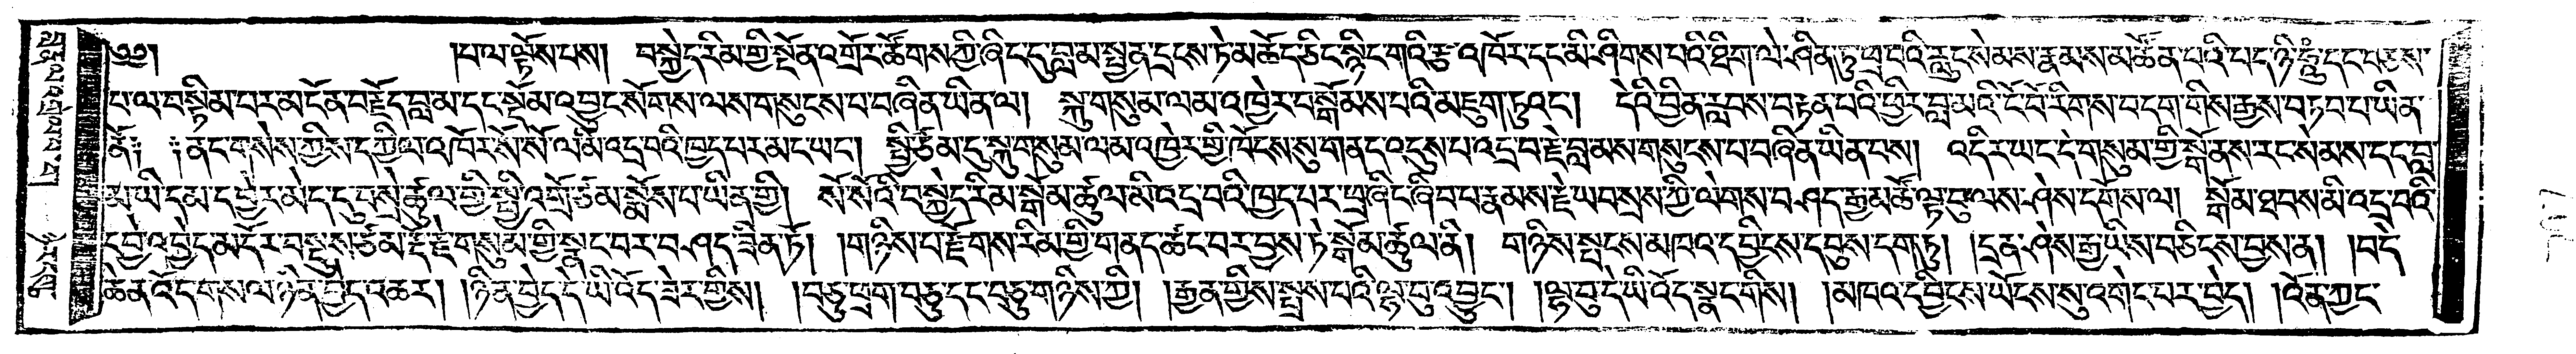༄༅། །པ་ལ་ལྟོས་པས། བསྐྱེད་རིམ་གྱི་སྔོན་འགྲོར་ཚོགས་ཀྱི་ཞིང་དུ་བླ་མ་སྤྱན་དྲངས་ཏེ་མཆོད་ཅིང་སྙིང་གའི་རྩ་འཁོར་དང་མི་ཤིགས་པའི་ཐིག་ལེ་ཤིན་ཏུ་ཕྲ་བའི་རླུང་སེམས་རྣམས་མཚོན་པའི་པད་ཉི་ཧཱུཾ་དང་བཅས་
པ་ལ་བསྟིམ་པར་མངོན་བརྗོད་བླ་མ་དང་སྔོམ་འབྱུང་སོགས་ལས་གསུངས་པ?་བཞིན་ཡིན་ལ། སྐུ་གསུམ་ལམ་འཁྱེར་བསྒོམས་པའི་མཇུག་ཏུའང་། དེའི་བྱིན་རླབས་བརྟན་པའི་ཕྱིར་བླ་མའི་ངོ་བོ་རིགས་བདག་གིས་རྒྱས་བཏབ་པ་ཡིན་
ནོ༑ ༑ནང་གསེས་ཀྱིས་དཀྱིལ་འཁོར་སོ་སོ་ལམ་འདྲ་བའི་ཁྱད་པར་མང་ཡང་། སྤྱི་ཙམ་དུ་སྐུ་གསུམ་ལམ་འཁྱེར་གྱི་ཁོངས་སུ་གནད་འདུས་པ་འདྲ་བ་རྗེ་བླ་མས་གསུངས་པ་བཞིན་ཡིན་པས། འདིར་ཡང་དེ་གསུམ་གྱི་སྒོ་ནས་རང་སེམས་དང་བླ་
མ་ཡི་དམ་དབྱེར་མེད་དུ་བསྲེ་ཚུལ་གྱི་སྤྱི་འགྲོ་ཙམ་སྨོས་པ་ཡིན་གྱི། སོ་སོའི་བསྐྱེད་རིམ་སྒོམ་ཚུལ་མི་འདྲ་བའི་ཁྱད་པར་ཕྲ་ཞིང་ཞིབ་པ་རྣམས་རྗེ་ཡབ་སྲས་ཀྱི་ལེགས་བཤད་རྒྱ་མཚོ་ལྟ་བུ་ལས་ཤེས་དགོས་ལ། སྒོམ་ཐབས་མི་འདྲ་བའི་
དབྱེ་འབྱེད་མདོར་བསྡུས་ཙམ་རྡོ་རྗེ་གསུམ་གྱི་སྣང་བར་བཤད་ཟིན་ཏོ། །གཉིས་བ་རྫོགས་རིམ་གྱི་གནད་ཚང་བར་བྱས་ཏེ་སྒོམ་ཚུལ་ནི། གཉིས་སྤངས་མཁའ་དབྱིངས་དབུས་དག་ཏུ། །དྲན་ཤེས་རྒྱ་ཡིས་བཅིངས་བྱས་ན། །བདེ་
ཆེན་འོད་གསལ་ཉིན་བྱེད་འཆར། །ཉིན་བྱེད་དེ་ཡི་འོད་ཟེར་གྱིས། །བཅུ་ཕྲག་བཅུ་དང་བཅུ་གཉིས་ཀྱི། །རྒྱན་གྱིས་སྤྲས་པའི་ལྷ་བུ་འབྱུང་། །ལྷ་བུ་དེ་ཡི་འོད་སྣང་གིས། །མཁའ་དབྱིངས་ཡོངས་སུ་འགེང་པར་བྱེད། །འོན་ཀྱང་